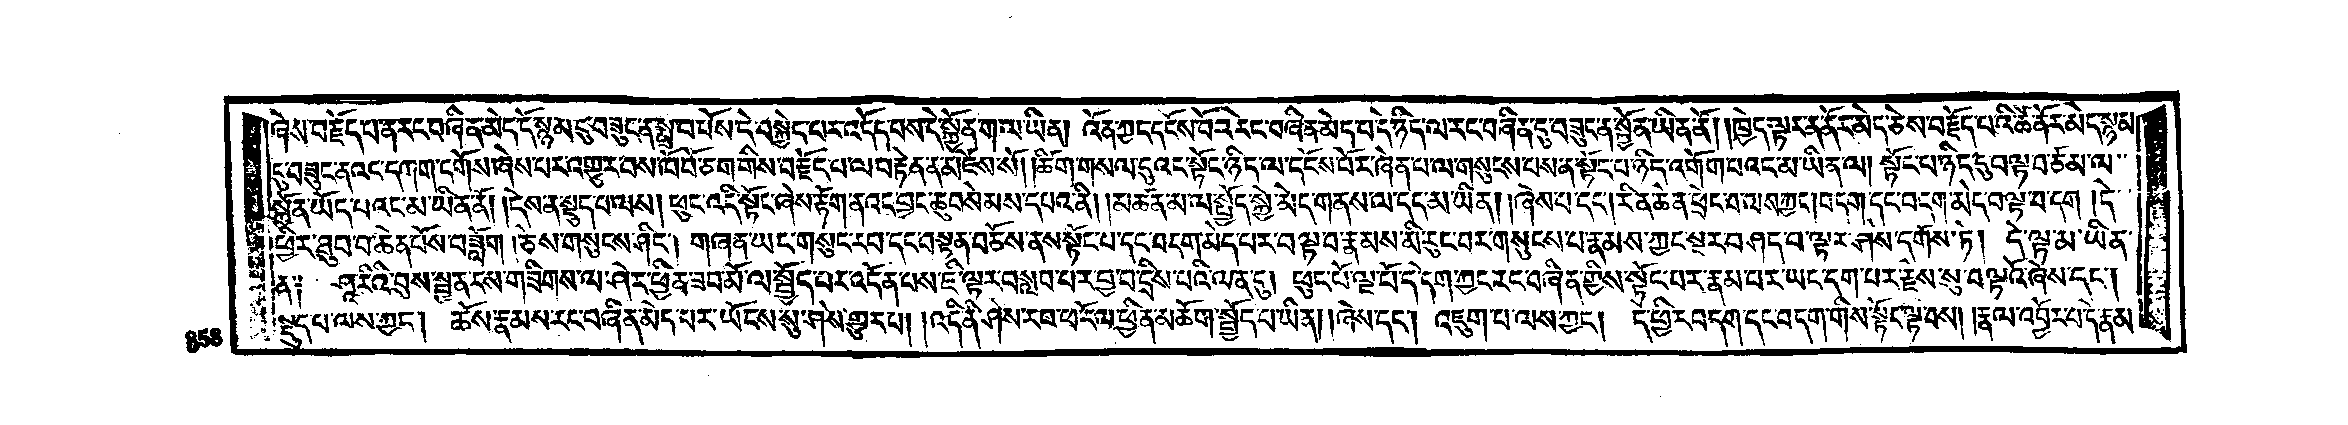ཞེས་བརྗོད་པ་ན་རང་བཞིན་མེད་དོ་སྙམ་དུ་བཟུང་ན་སྨྲ་བ་པོས་དེ་བསྐྱེད་པར་འདོད་པས་དེ་སྐྱོན་ག་ལ་ཡིན། འོན་ཀྱང་དངོས་པོའི་རང་བཞིན་མེད་པ་དེ་ཉིད་ལ་རང་བཞིན་དུ་བཟུང་ན་སྐྱོན་ཡིན་ནོ། །ཁྱེད་ལྟར་ན་ནོར་མེད་ཅེས་བརྗོད་པའི་ཚེ་ནོར་མེད་སྙམ་
དུ་བཟུང་ནའང་དགག་དགོས་ཞེས་པར་འགྱུར་པས་ཁོ་བོ་ཅག་གིས་བརྗོད་པ་ལ་བརྟེན་ན་མཛེས་སོ། །ཚིག་གསལ་དུའང་སྟོང་ཉིད་ལ་དངོས་པོར་ཞེན་པ་ལ་གསུངས་པས་ན་སྟོང་པ་ཉིད་འགོག་པའང་མ་ཡིན་ལ། སྟོང་པ་ཉིད་དུ་བལྟ་བ་ཙམ་ལ་
སྐྱོན་ཡོད་པའང་མ་ཡིན་ནོ། །དེས་ན་སྡུད་པ་ལས། ཕུང་འདི་སྟོང་ཞེས་རྟོག་ནའང་བྱང་ཆུབ་སེམས་དཔའ་ནི། །མཚན་མ་ལ་སྤྱོད་སྐྱེ་མེད་གནས་ལ་དད་མ་ཡིན། །ཞེས་པ་དང་། རིན་ཆེན་ཕྲེང་བ་ལས་ཀྱང་། བདག་དང་བདག་མེད་བལྟ་བ་དག །དེ་
ཕྱིར་ཐུབ་པ་ཆེན་པོས་བཟློག །ཅེས་གསུངས་ཤིང་། གཞན་ཡང་གསུང་རབ་དང་བསྟན་བཅོས་ནས་སྟོང་པ་དང་བདག་མེད་པར་བལྟ་བ་རྣམས་མི་རུང་བར་གསུངས་པ་རྣམས་ཀྱང་སྔར་བཤད་པ་ལྟར་ཤེས་དགོས་ཏེ། དེ་ལྟ་མ་ཡིན་
ན༑ ཤཱ་རིའི་བུས་སྤྱན་རས་གཟིགས་ལ་ཤེར་ཕྱིན་ཟབ་མོ་ལ་སྤྱོད་པར་འདོད་པས་ཇི་ལྟར་བསླབ་པར་བྱ་བ་དྲིས་པའི་ལན་དུ། ཕུང་པོ་ལྔ་པོ་དེ་དག་ཀྱང་རང་བཞིན་གྱིས་སྟོང་པར་རྣམ་པར་ཡང་དག་པར་རྗེས་སུ་བལྟའོ་ཞེས་དང་།
སྡུད་པ་ལས་ཀྱང་། ཆོས་རྣམས་རང་བཞིན་མེད་པར་ཡོངས་སུ་ཤེས་གྱུར་པ། །འདི་ནི་ཤེས་རབ་ཕ་རོལ་ཕྱིན་མཆོག་སྤྱོད་པ་ཡིན། །ཞེས་དང་། འཇུག་པ་ལས་ཀྱང་། དེ་ཕྱིར་བདག་དང་བདག་གིས་སྟོང་ལྟ་བས། །རྣལ་འབྱོར་པ་དེ་རྣམ་